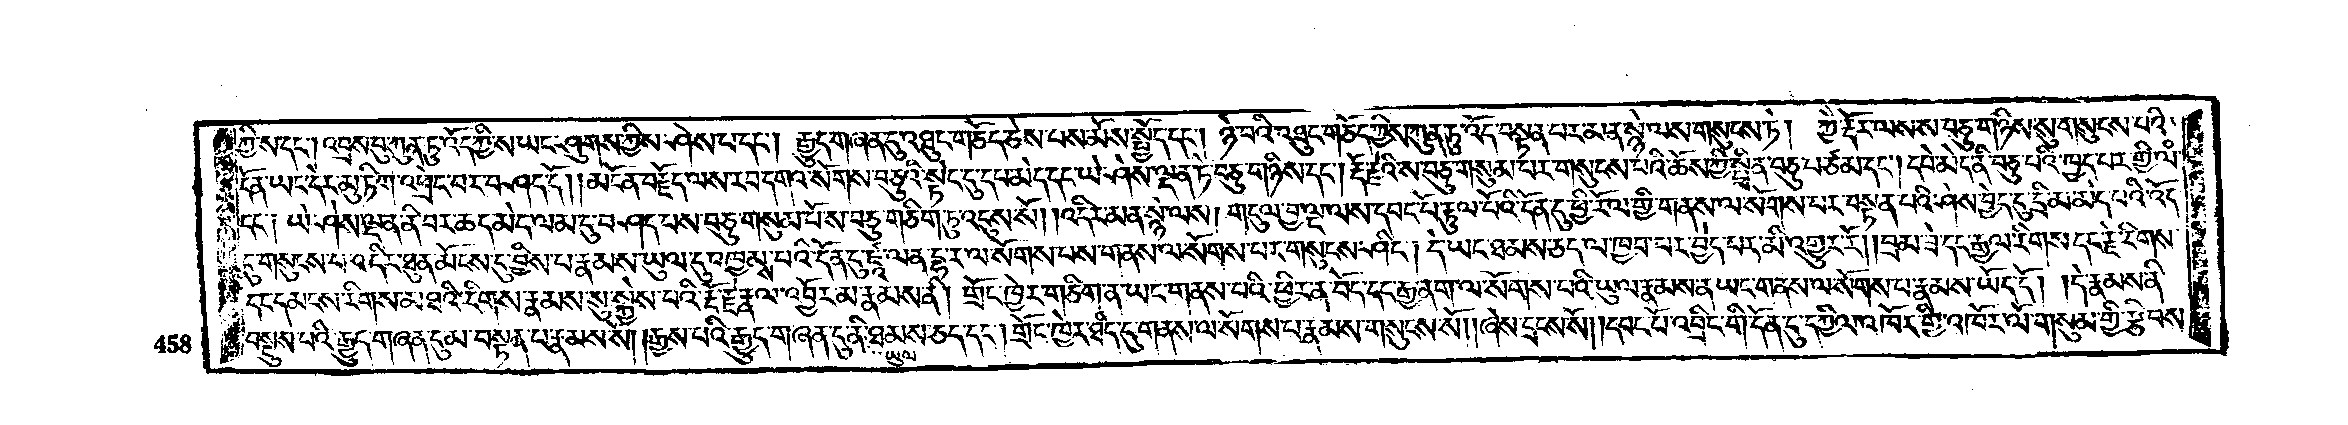ཀྱི་ས་དང་། འབྲས་བུ་ཀུན་ཏུ་འོད་ཀྱི་ས་ཡང་ཤུགས་ཀྱིས་ཤེས་པ་དང་། རྒྱུད་གཞན་དུ་འཐུང་གཅོད་ཅེས་པས་མོས་སྤྱོད་དང་། ཉེ་བའི་འཐུང་གཅོད་ཀྱིས་ཀུན་ཏུ་འོད་བསྟན་པར་མན་སྙེ་ལས་གསུངས་ཏེ། ཀྱཻ་རྡོར་ལས་ས་བཅུ་གཉིས་སུ་གསུངས་པའི་
དོན་ཡང་དེར་མུ་ཏིག་འཕྲེང་བར་བཤད་དོ། །མངོན་བརྗོད་ལས་རབ་དགའ་སོགས་བཅུའི་སྟེང་དུ་དཔེ་མེད་དང་ཡེ་ཤེས་ལྡན་ཏེ་བཅུ་གཉིས་དང་། རྡོ་རྗེའི་ས་བཅུ་གསུམ་པར་གསུངས་པའི་ཆོས་ཀྱི་སྤྲིན་བཅུ་པ་ཙམ་དང་། དཔེ་མེད་ནི་བཅུ་པའི་ཁྱད་པར་གྱི་ལམ་
དང་། ཡེ་ཤེས་ལྡན་ནི་བར་ཆད་མེད་ལམ་དུ་བཤད་པས་བཅུ་གསུམ་པོ་ས་བཅུ་གཅིག་ཏུ་འདུས་སོ། །འདིར་མན་སྙེ་ལས། གདུལ་བྱ་ལྔ་ལས་དབང་པོ་རྟུལ་པོའི་དོན་དུ་ཕྱི་རོལ་གྱི་གནས་ལ་སོགས་པར་བསྟན་པའི་ཤེས་བྱེད་དུ་དྲི་མ་མེད་པའི་འོད་
དུ་གསུངས་པ་འདིར་ཐུན་མོངས་དུ་བྱིས་པ་རྣམས་ཡུལ་དུ་འཁྱམས་པའི་དོན་དུ་ཛཱ་ལན་དྷ་ར་ལ་སོགས་པས་གནས་ལ་སོགས་པར་གསུངས་ཤིང་། དེ་ཡང་ཐམས་ཅད་ལ་ཁྱབ་པར་བྱེད་པར་མི་འགྱུར་རོ། །བྲམ་ཟེ་དང་རྒྱལ་རིགས་དང་རྗེ་རིགས་
དང་དམངས་རིགས་མཐའི་རིགས་རྣམས་སུ་སྐྱེས་པའི་རྡོ་རྗེ་རྣལ་འབྱོར་མ་རྣམས་ནི། གྲོང་ཁྱེར་གཅིག་ན་ཡང་གནས་པའི་ཕྱིར་ན་བོད་དང་རྒྱ་ནག་ལ་སོགས་པའི་ཡུལ་རྣམས་ན་ཡང་གནས་ལ་སོགས་པ་རྣམས་ཡོད་དོ། །དེ་རྣམས་ནི་
བསྡུས་པའི་རྒྱུད་གཞན་དུ་མ་བསྟན་པ་རྣམས་སོ། །རྒྱས་པའི་རྒྱུད་གཞན་དུ་ནི་ཡུལ་ཐམས་ཅད་དང་། གྲོང་ཁྱེར་ཐམས་ཅད་དུ་གནས་ལ་སོགས་པ་རྣམས་གསུངས་སོ། །ཞེས་དྲངས་སོ། །དབང་པོ་འབྲིང་གི་དོན་དུ་དཀྱིལ་འཁོར་གྱི་འཁོར་ལོ་གསུམ་གྱི་རྩིབས་